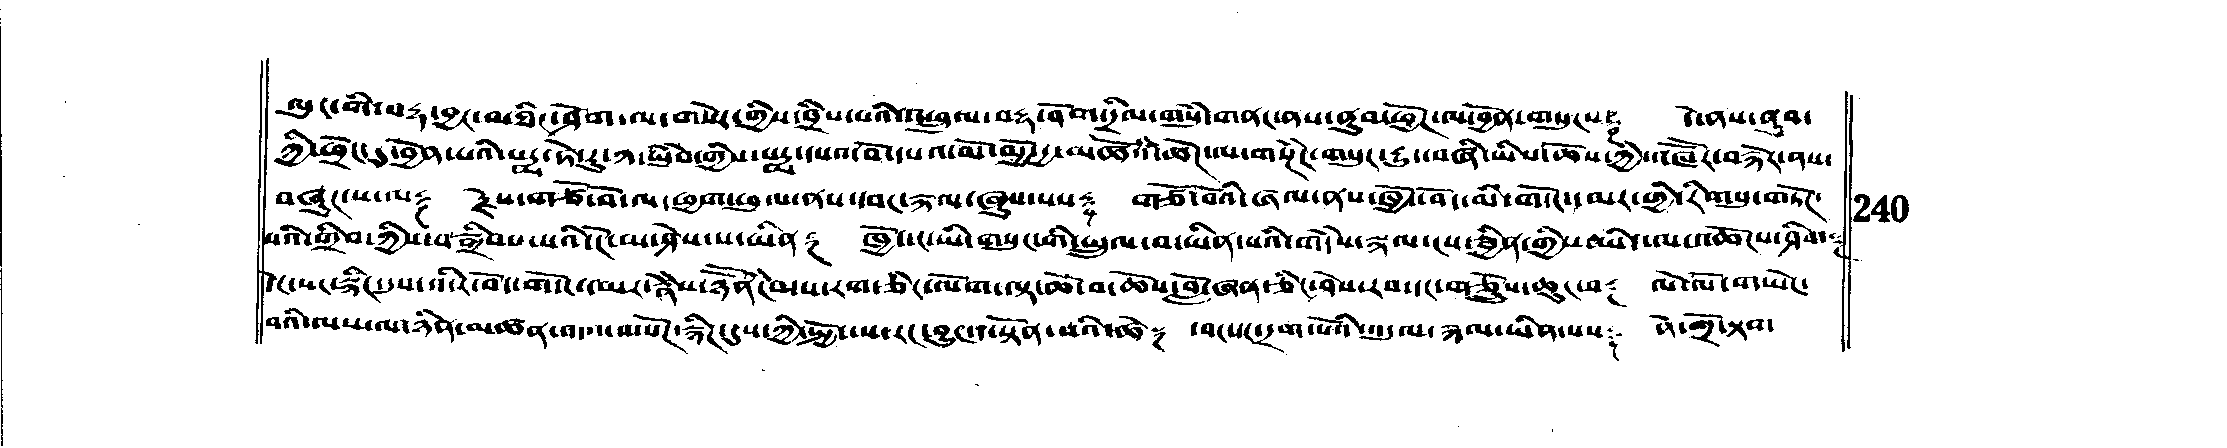ལུང་གི་བརྡ་བྱང་མཐིང་ཤོག་ལ་གསེར་གྱིས་བྲིས་པའི་འཕྲུལ་བརྡ་ཤོག་དྲིལ་གསུམ་གནང་ནས་ནུབ་ཕྱོགས་ལ་བྱོན་གསུངས། དེ་ནས་ནུབ་
ཀྱི་ཕོ་བྲང་དུ་བྱོན་པའི་པདྨ་ཧེ་རུ་ཀ་ཡབ་ཡུམ་གྱིས་པདྨ་དཔའ་བོ་དཔའ་མོ་མཁའ་འགྲོ་རྒྱ་མཚོའི་ཚོགས་ལ་གསང་སྔགས་གསུང་རྒྱུད་བཞི་ཡིས་ཆོས་ཀྱི་འཁོར་ལོར་སྐོར་ནས་
བཞུགས་པ་ལ། རྗེས་གཙོ་བོ་ལ་ཕྱག་ཕུལ་ནས་དབང་སྐལ་ཞུས་པས། གཙོ་བོའི་ཞལ་ནས་ཁྱོད་བོད་མི་གདོང་དམར་གྱི་རིགས་སུ་གཏོགས་
པའི་གྲིབ་ཀྱིས་བསྒྲིབས་པས་ངོ་མ་ཤེས་པ་ཡིན། ཁྱོད་ང་ཡི་གསུང་གི་སྤྲུལ་བ་ཡིན་པའི་གདམས་སྐལ་ངས་སྦྱིན་གྱིས་ཡིད་ལ་ཆོངས་ཤིག 
དེང་སང་སྙིགས་དུས་འདིར་བོད་གདོང་དམར་རྣམས་ཉོན་མོངས་པ་རག་ཅིང་ལོག་ལྟ་ཆེ་བ་ཆོས་བློ་ཞན་ཅིང་ཤེས་རབ་དང་བརྩོན་འགྲུས་ཆུང་བ། ལེ་ལོ་གཡེང་
བའི་ལས་ལ་ཉིན་མཚན་འདའ་བ་སོགས་སྙིགས་དུས་ཀྱི་སྤྱོད་པ་རང་བྱུང་དེ་སྟོན་པའི་ཚེ། །དབང་དང་དྲག་པོའི་འདུལ་སྐལ་ཡིན་པས། ནེ་གྲོ་སྟག་